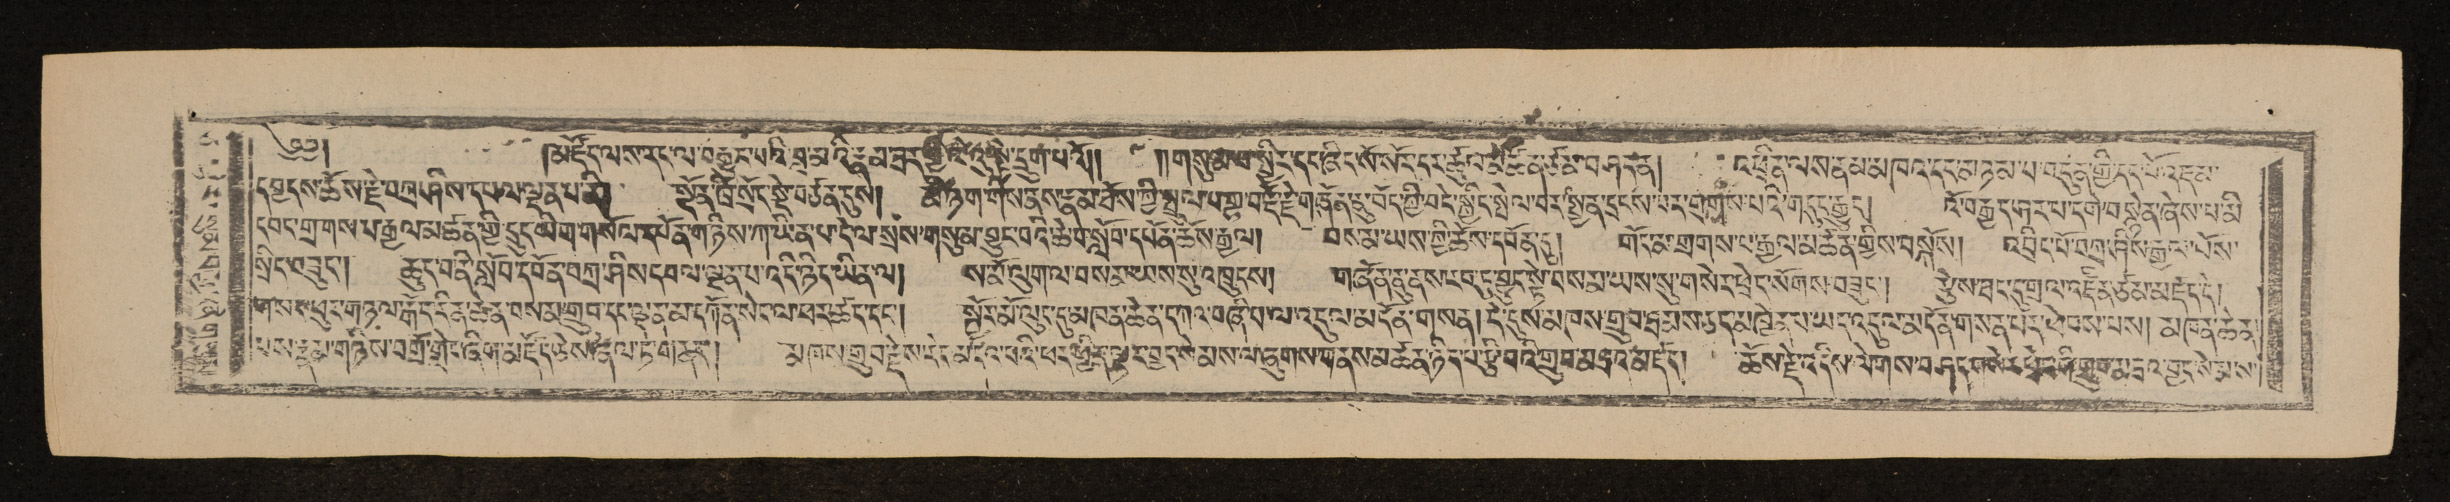༄༅། །མཛོད་ལས་རང་ལ་བརྒྱུད་པའི་བླ་མའི་རྣམ་ཐར་གྱི་ལེའུ་སྟེ་དྲུག་པའོ།། །།གསུམ་པ་སྤྱིར་དར་ཞིང་སོ་སོར་དར་ཚུལ་མཚོན་ཙམ་བཤད་ན། འཕྲིན་ལས་ནམ་མཁའ་དང་མཉམ་པ་བདུན་གྱི་དང་པོ་འཇམ་
དབྱངས་ཆོས་རྗེ་བཀྲ་ཤིས་དཔལ་ལྡན་པ་ནི། སྔོན་ཁྲི་སྲོང་སྡེ་བཙན་དུས། མི་ཉག་གིས་ནས་རྣམ་ཐོས་ཀྱི་སྤྲུལ་པ་གྷ་བ་རྡོ་རྗེ་གཞོན་ནུ་བོད་ཀྱི་བདེ་སྐྱིད་སྤེལ་བར་སྤྱན་དྲངས་པར་གྲགས་པའི་གདུང་རྒྱུད། འོ་བརྒྱད་ཤར་པ་དགེ་བསྙེན་ཞེས་པ་མི་
དབང་གྲགས་པ་རྒྱལ་མཚན་གྱི་དྲུང་ཡིག་གསོལ་དཔོན་གཉིས་ཀ་ཡིན་པ་དེ་ལ་སྲས་གསུམ་བྱུང་བའི་ཆེ་བ་སློབ་དཔོན་ཆོས་རྒྱལ། བསམ་ཡས་ཀྱི་ཆོས་དཔོན་དུ། གོང་མ་གྲགས་པ་རྒྱལ་མཚན་གྱིས་བསྐོས། འབྲིང་པོ་བཀྲ་ཤིས་རྒྱལ་པོས་
སྲིད་བཟུང་། ཆུང་བ་ནི་སློབ་དཔོན་བཀྲ་ཤིས་དཔལ་ལྡན་པ་འདི་ཉིད་ཡིན་ལ། ས་མོ་ལུག་ལ་བསམ་ཡས་སུ་འཁྲུངས། གཞོན་ནུ་ནས་རབ་ཏུ་བྱུང་སྟེ་བསམ་ཡས་སུ་གསེར་ཕྲེང་སོགས་བཟུང་། རྩེས་ཐང་དུ་གྲལ་འཛིན་ཙམ་མཛད་དེ།
གསང་ཕུར་གཉལ་རྒོད་རིན་ཆེན་བསམ་གྲུབ་དང་ལྡན་མ་དཀོན་སེང་ལ་ཕར་ཚད་དང་། སྐྱོར་མོ་ལུང་དུ་མཁན་ཆེན་དཀའ་བཞི་པ་ལ་འདུལ་མངོན་གསན། དེ་དུས་མཁས་གྲུབ་ཐམས་ཅད་མཁྱེན་པ་ཡང་འདུལ་མངོན་གསན་པར་ཕེབས་པས། མཁན་ཆེན་
པས་རྣམ་གཉིས་བགྲོ་གླེང་ཞིག་མཛོད་ཅེས་ཞལ་ཏ་གནང་། མཁས་གྲུབ་རྗེས་རེད་མདའ་པའི་ཕར་ཕྱིན་ལྟར་བྱང་སེམས་ལ་ཞུགས་གནས་མཚན་ཉིད་པ་རྩི་བའི་གྲུབ་མཐའ་མཛད། ཆོས་རྗེ་འདིས་ལེགས་བཤད་གསེར་ཕྲེང་གི་གྲུབ་མཐའ་བྱང་སེམས་